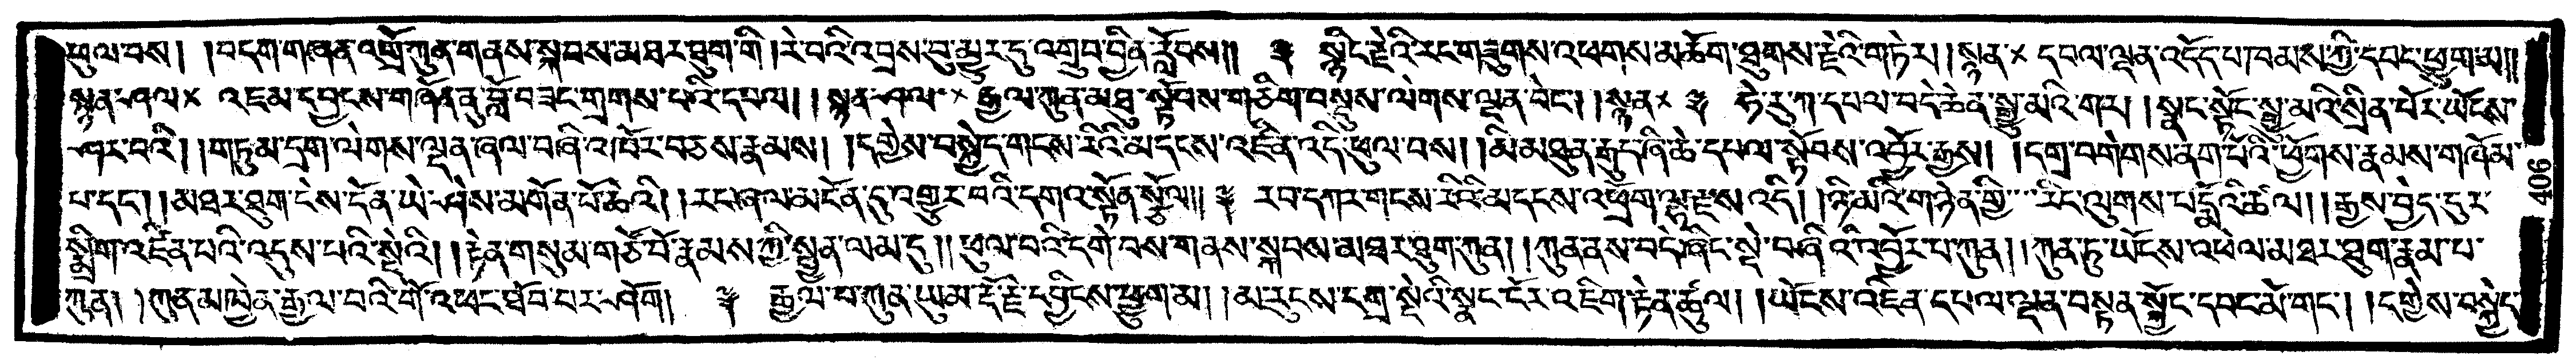ཕུལ་བས། །བདག་གཞན་འགྲོ་ཀུན་གནས་སྐབས་མཐར་ཐུག་གི །རེ་བའི་འབྲས་བུ་མྱུར་དུ་འགྲུབ་བྱིན་རློབས།། ༈ སྙིང་རྗེའི་རང་གཟུགས་འཕགས་མཆོག་ཐུགས་རྗེའི་གཏེར། །སྙན་{྾}་དཔལ་ལྡན་འདོད་པ་ཁམས་ཀྱི་དབང་ཕྱུག་མ།།
སྙན་ཤལ་{྾}་འཇམ་དབྱངས་གཞོན་ནུ་བློ་བཟང་གྲགས་པའི་དཔལ། །སྙན་ཤལ་{྾}་རྒྱལ་ཀུན་མཐུ་སྟོབས་གཅིག་བསྡུས་ལེགས་ལྡན་བེང་། །སྙན་{྾}་༈ ཧེ་རུ་ཀ་དཔལ་བདེ་ཆེན་སྒྱུ་མའི་གར། །སྣང་སྟོང་སྒྱུ་མའི་སྲིན་པོར་ཡོངས་
ཤར་བའི། །གཏུམ་དྲག་ལེགས་ལྡན་ཞལ་བཞི་འཁོར་བཅས་རྣམས། །དགྱེས་བསྐྱེད་གངས་རིའི་མདངས་འཛིན་འདི་ཕུལ་བས། །མི་མཐུན་རྒུད་ཞི་ཆེ་དཔལ་སྟོབས་འབྱོར་རྒྱས། །དགྲ་བགེགས་ནག་པོའི་ཕྱོགས་རྣམས་གཞོམ་
པ་དང་། །མཐར་ཐུག་ངེས་དོན་ཡེ་ཤེས་མགོན་པོ་ཆེའི། །རང་ཞལ་མངོན་དུ་འགྱུར་བའི་དགའ་སྟོན་སྩོལ། །༈ རབ་དཀར་གངས་རིའི་མདངས་འཕྲོག་ལྷ་རྫས་འདི། །ཉི་མའི་གཉེན་གྱི་རིང་ལུགས་པདམོའི་ཚལ། །རྒྱས་བྱེད་ངུར་
སྨྲིག་འཛིན་པའི་འདུས་པའི་སྡེའི། །རྟེན་གསུམ་གཙོ་བོ་རྣམས་ཀྱི་སྤྱན་ལམ་དུ། །ཕུལ་བའི་དགེ་བས་གནས་སྐབས་མཐར་ཐུག་ཀུན། །ཀུན་ནས་བདེ་ཞིང་སྡེ་བཞིའི་འབྱོར་པ་ཀུན། །ཀུན་ཏུ་ཡོངས་འཕེལ་མཐར་ཐུག་རྣམ་པ་
ཀུན། །ཀུན་མཁྱེན་རྒྱལ་བའི་གོ་འཕང་ཐོབ་པར་ཤོག ། ༈ རྒྱལ་བ་ཀུན་ཡུམ་རྡོ་རྗེ་དབྱིངས་ཕྱུག་མ། །མ་རུངས་དགྲ་སྡེའི་སྣང་ངོར་འཇིག་རྟེན་ཚུལ། །ཡོངས་འཛིན་དཔལ་ལྡན་བསྟན་སྐྱོང་དབང་མོ་གང་། །དགྱེས་བསྐྱེད་